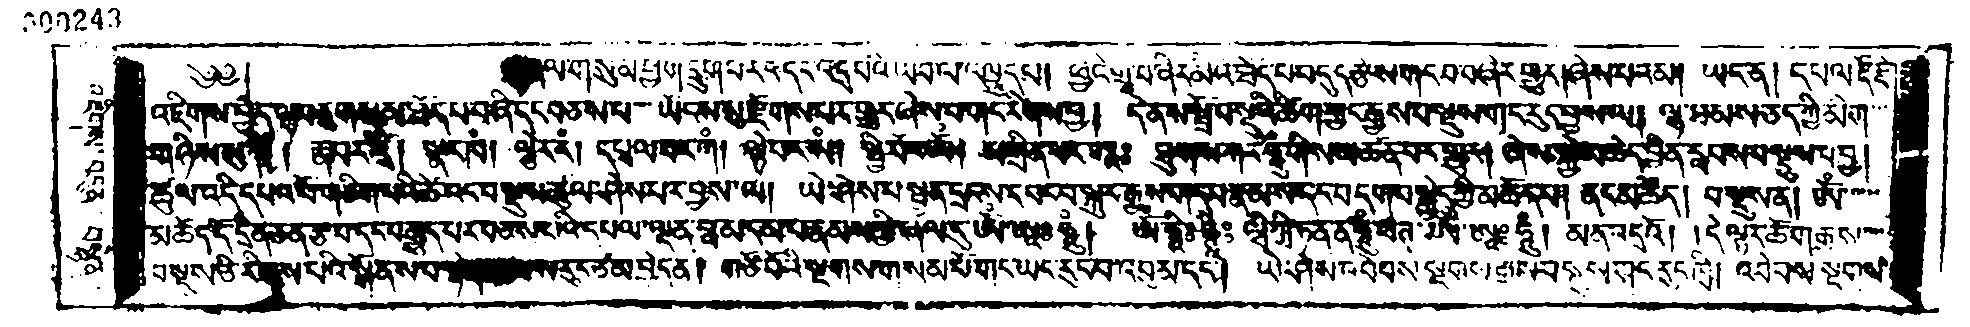༄༅། །ཞལ་གསུམ་ཕྱག་དྲུག་པ་རང་དང་འདྲ་བའི་ཡབ་ལ་འཁྱུད་པ། ཕྱིའི་གྲྭ་བཞིར་མིའི་ཐོད་པ་བདུད་རྩིས་གང་བ་བཞིར་གྱུར། ཞེས་པའམ། ཡང་ན། དཔལ་རྡོ་རྗེ་
འཇིགས་བྱེད་ལྷ་བཅུ་གསུམ་ཐོད་པ་བཞི་དང་བཅས་པ་ཡོངས་སུ་རྫོགས་པར་གྱུར་ཞེས་པ་གང་རིག་བྱ། དེ་ནས་སྤྲོ་བསྡུའི་ཚིག་ཀྱང་རྒྱས་བསྡུས་གང་རུང་བྱས་ལ། ལྷ་ཐམས་ཅད་ཀྱི་མིག་
གཉིས་སུ་ཀྵིཾ། རྣ་བར་ཛྲིཾ། སྣར་ཁཾ། ལྕེར་རཾ། དཔྲལ་བར་ཀཾ། ལྟེ་བར་སཾ། སྤྱི་བོར་ཨོཾ། མགྲིན་པར་ཨཱཿ ཐུགས་ཀར་ཧཱུཾ་གིས་མཚན་པར་གྱུར། ཞེས་སྐྱེ་མཆེད་བྱིན་རླབས་བསྡུས་པ་བྱ།
ཚུལ་འདི་དཔའ་པོ་གཅིག་པའི་ཚེ་འང་བསྡུས་ཚུལ་ཤེས་པར་བྱས་ལ། ཡེ་ཤེས་པ་སྤྱན་དྲངས་དབང་བསྐུར་རྒྱས་གདབ་རྣམས་དང་བདག་བསྐྱེད་ཀྱི་མཆོད་པ། ནང་མཆོད། བསྡུས་ན། ཨོཾ་
མཆོད་དོ་དྲིན་ཅན་རྩ་བ་དང་བརྒྱུད་པར་བཅས་པའི་དཔལ་ལྡན་བླ་མ་དམ་པ་རྣམས་ཀྱི་ཞལ་དུ་ཨོཾ་ཨཱཿ ཧཱུཾ། ཨོཾ་ཧྲཱིཿ ཥྚཱིཿ ཝི་ཀྲི་ཏ་ན་ན་ཧཱུཾ་ཕཊ་ཨོཾ་ཨཱཿ ཧཱུཾ། མན་འདྲའོ། །དེ་ལྟར་ཆོ་ག་རྒྱས་
བསྡུས་ཅི་རིགས་པའི་སྒོ་ནས་བསྙེན་པ་ལས་རུང་ཙམ་བྱེད་ན། གཙོ་བོའི་སྔགས་གསུམ་པོ་གང་ཡང་རུང་བ་འབུམ་དང་། ཡེ་ཤེས་འབེབས་སྔགས་རྒྱས་བསྡུས་གང་རུང་ཁྲི། འབེབས་སྔགས་